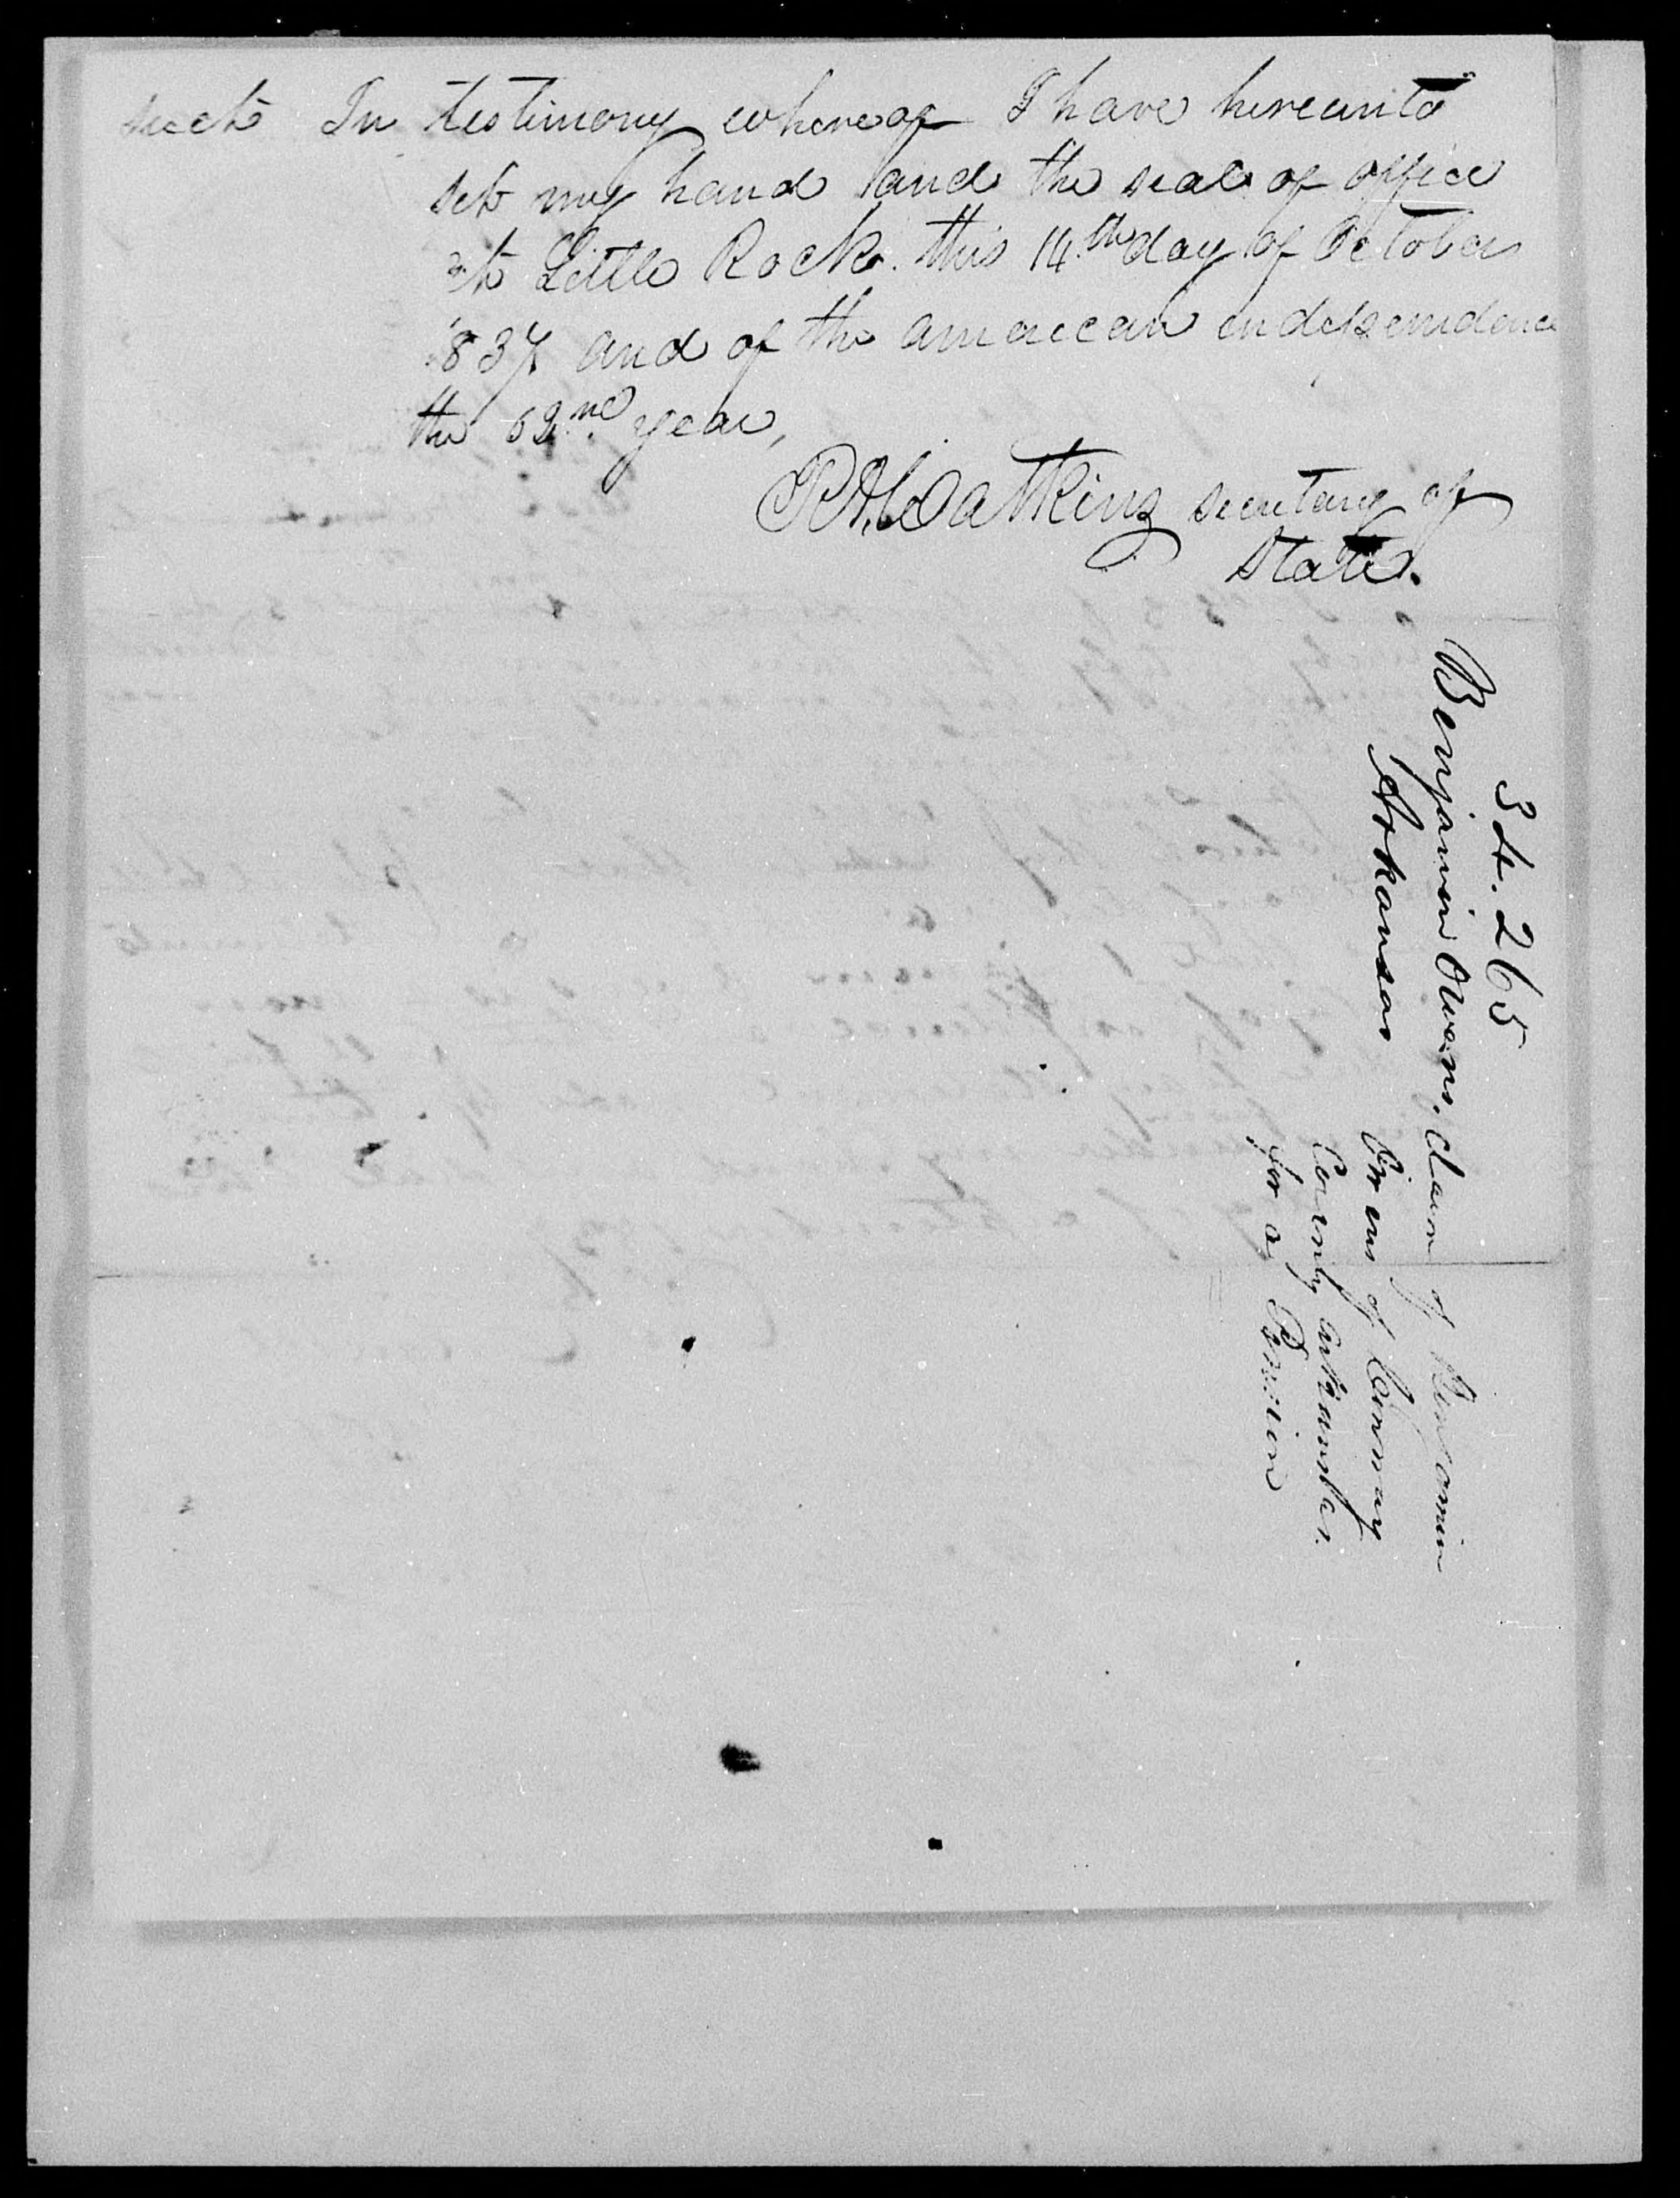such  In testimony whereof I have hereunto set my hand and the seal of Office at Little Rock. this 14th day of October 1837 and of the American independence the 62nd year
RH. Watkins Secretary of State

34.265
Benjamin Owens
Arkansas

claim of Benjamin Owens of Conway County Arkansas for a Pension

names: Benjamin Owens; R A Watkins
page: 20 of 28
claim: rejected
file: R. 7846, for Benjamin Owens, South Carolina